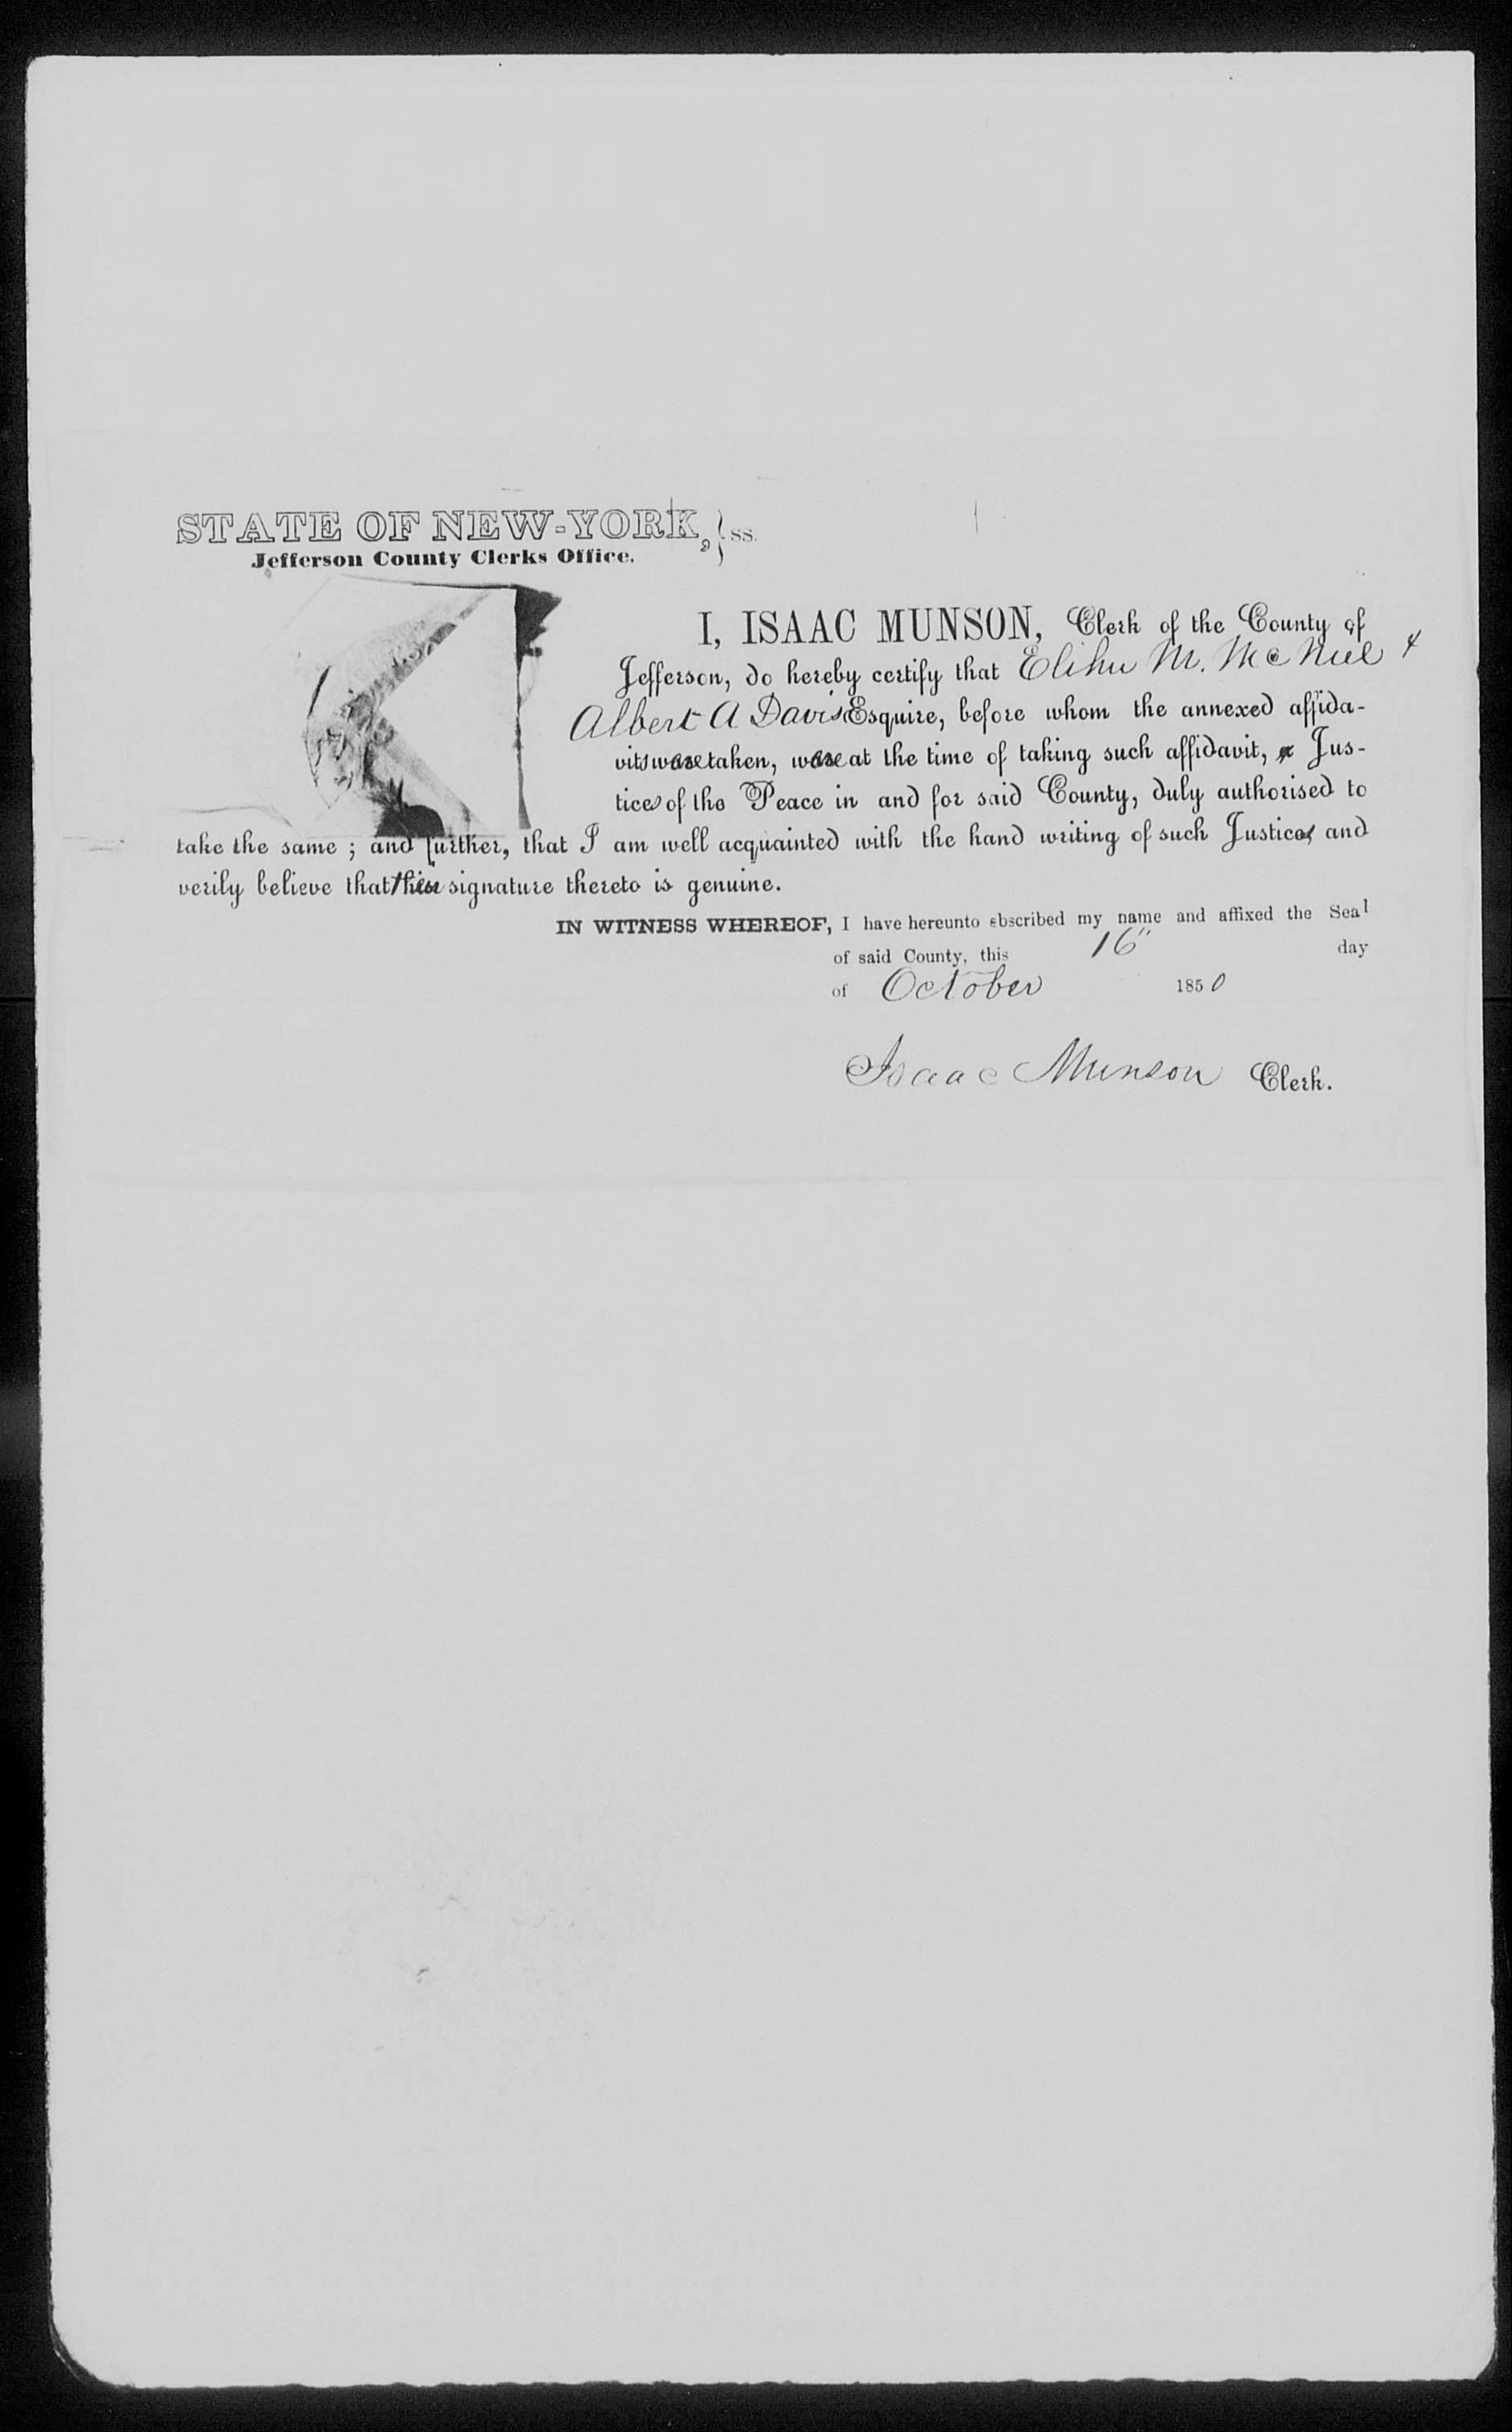STATE OF NEW-YORK,
Jefferson County Clerks Office. } SS.

I, ISAAC MUNSON, Clerk of the County of Jefferson, do hereby certify that Elihu M. Mcneil & Albert A Davis Esquire, before whom the annexed affidavits were taken, were at the time of taking such affidavit, Justices of the Peace in and for said County, duly authorised to take the same; and further, that I am well acquainted with the hand writing of such Justices and verily believe that their signature thereto is genuine.
IN WITNESS WHEREOF, I have hereunto sbscribed [subscribed] my name and affixed the Seal of said County, this 16th day of October 1850

Isaac Munson Clerk.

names: Albert A Davis, Isaac Munson, Isaac Munson, Elihu M Mcniel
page: 65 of 106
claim: survivor's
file: S 23,116., Joshua Benedict, Conn.